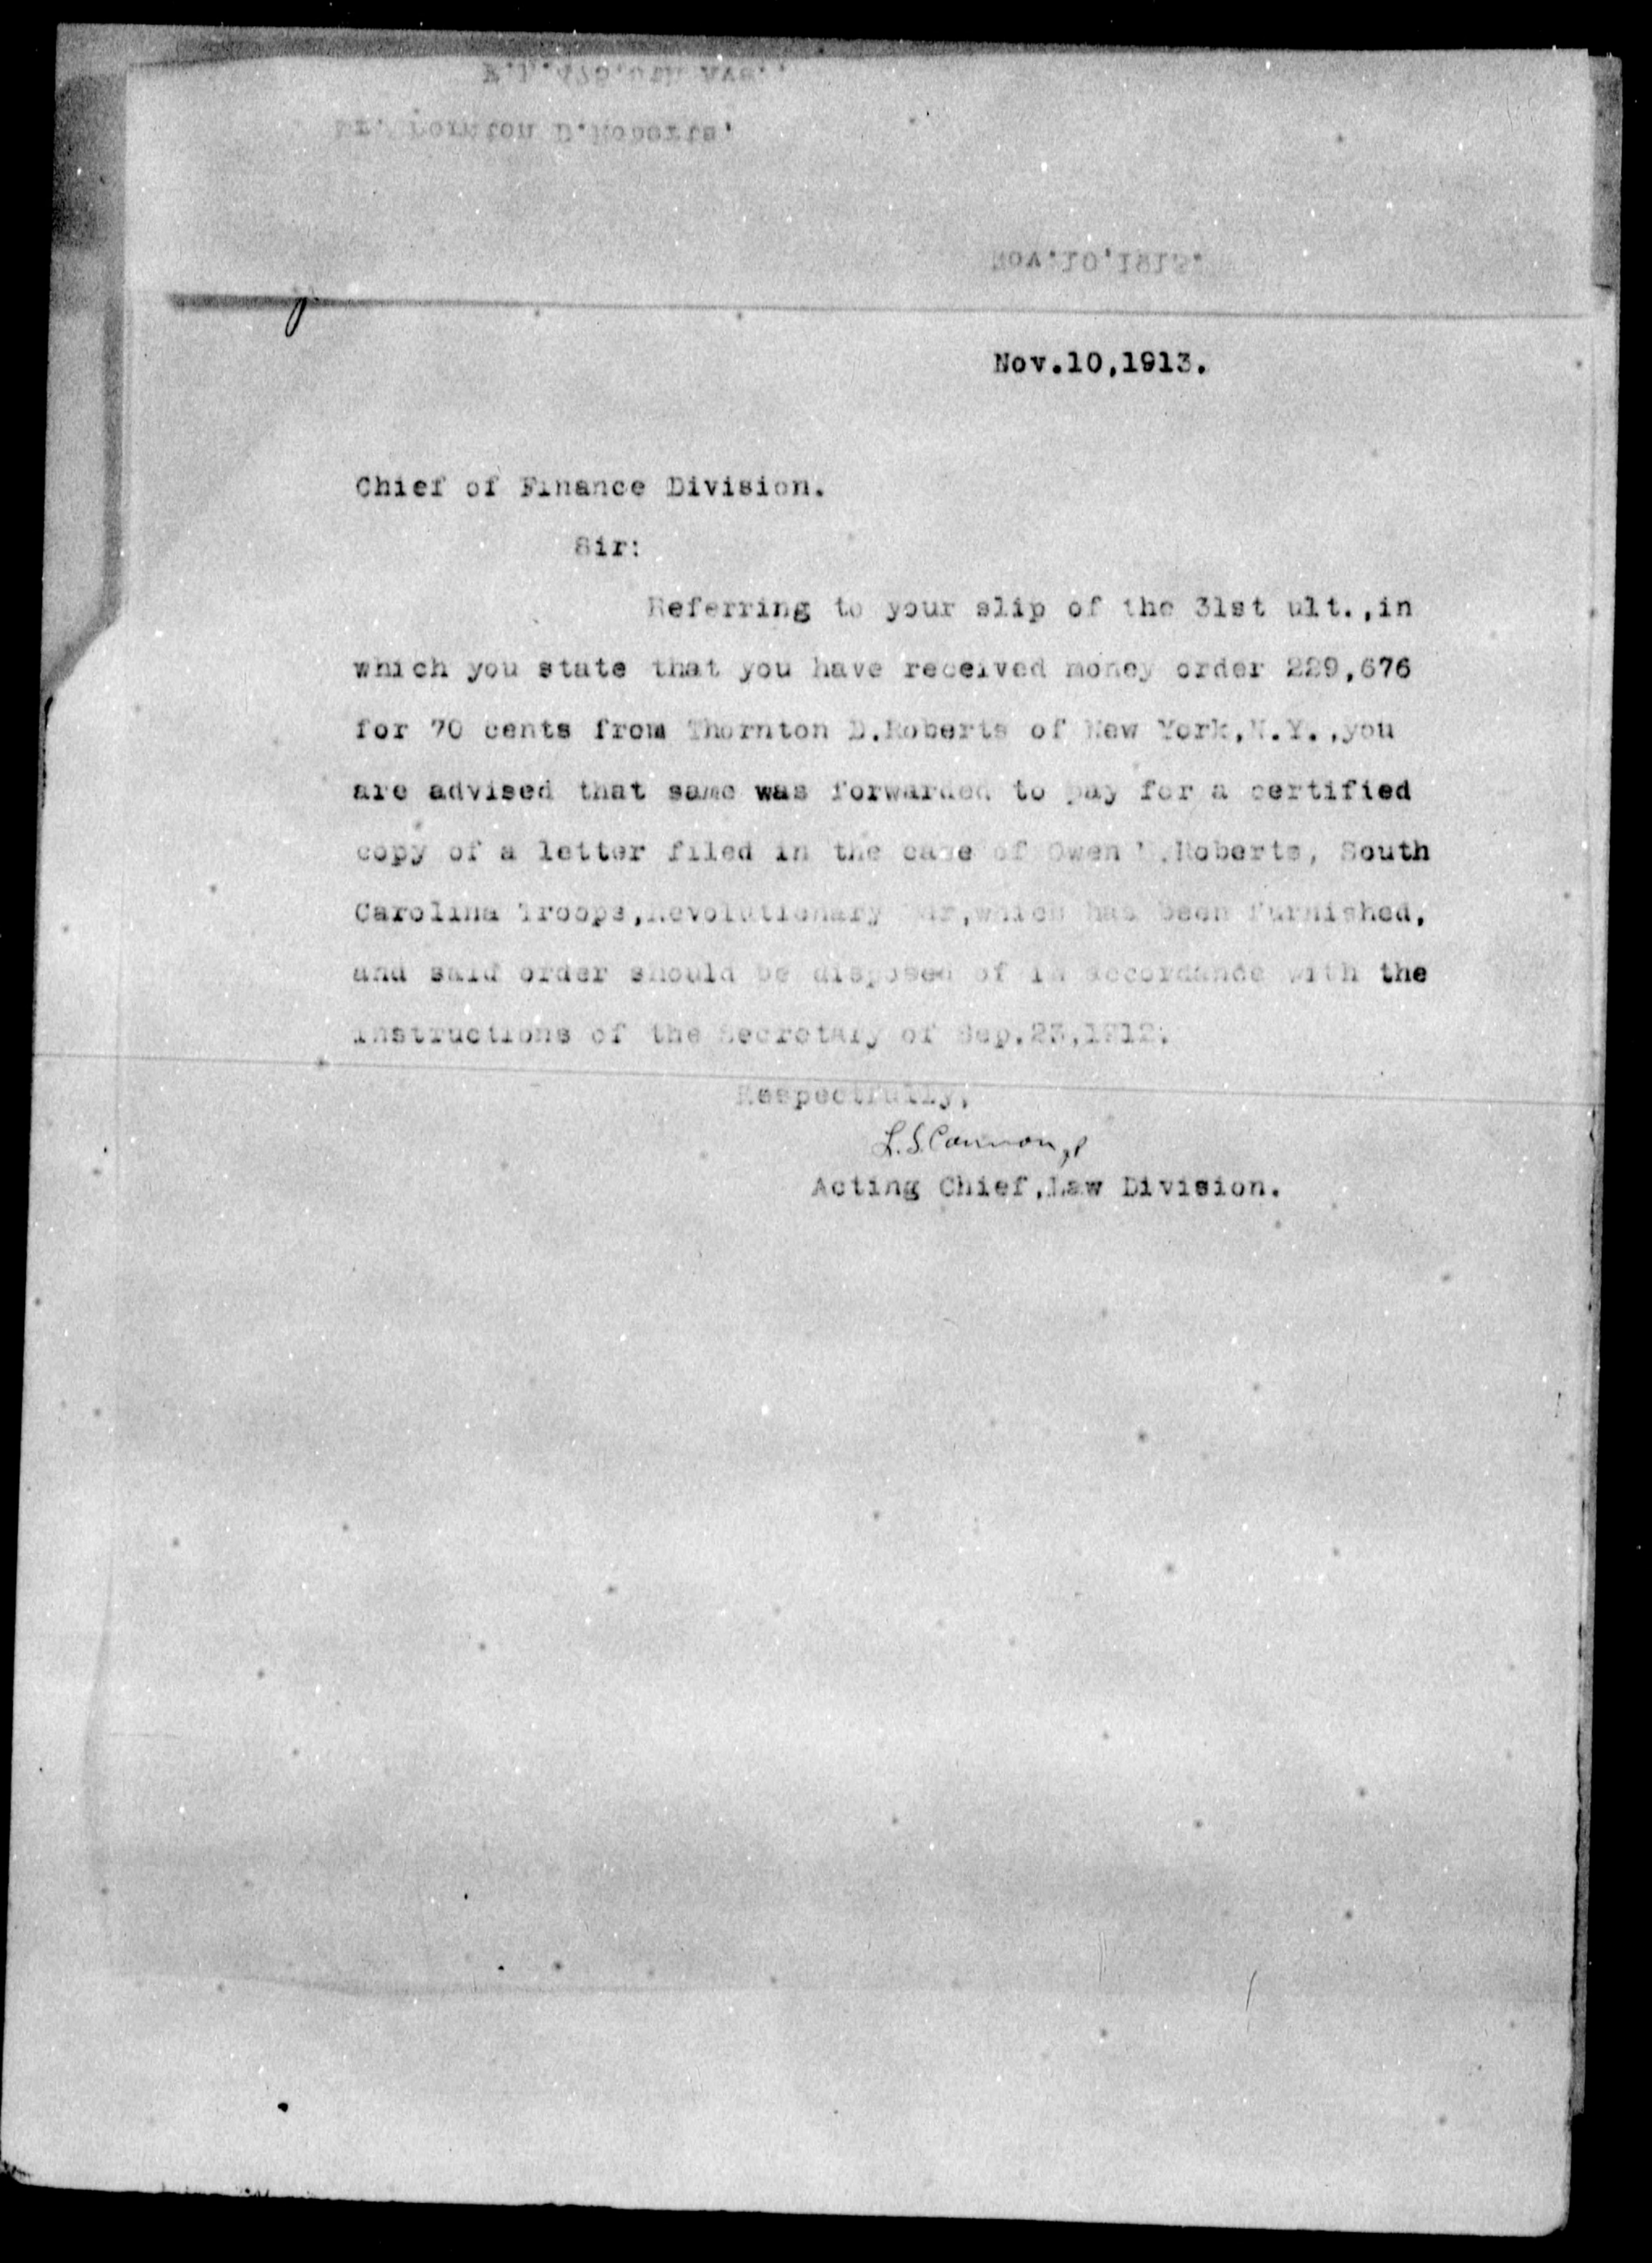Nov. 10, 1913.

Chief of Finance Division.

Sir:

Referring to your slip of the 31st ult., in 
which you state that you have received money order 229,676
for 70 cents from Thornton D. Roberts of New York, N.Y., you 
are advised that same was forwarded to pay for a certified
copy of a letter filed in the case of Owen M. Roberts, South 
Carolina Troops, Revolutionary War, which has been furnished, 
and said order should be disposed of in accordance with the 
instructions of the Secretary of Sep. 23, 1912.

Respectfully,

L. S. Cannon gP [? or JP]

Acting Chief, Law Division.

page: 16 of 59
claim: bounty land warrant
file: B.L.Wt. 2359-500, for Owen Roberts, South Carolina